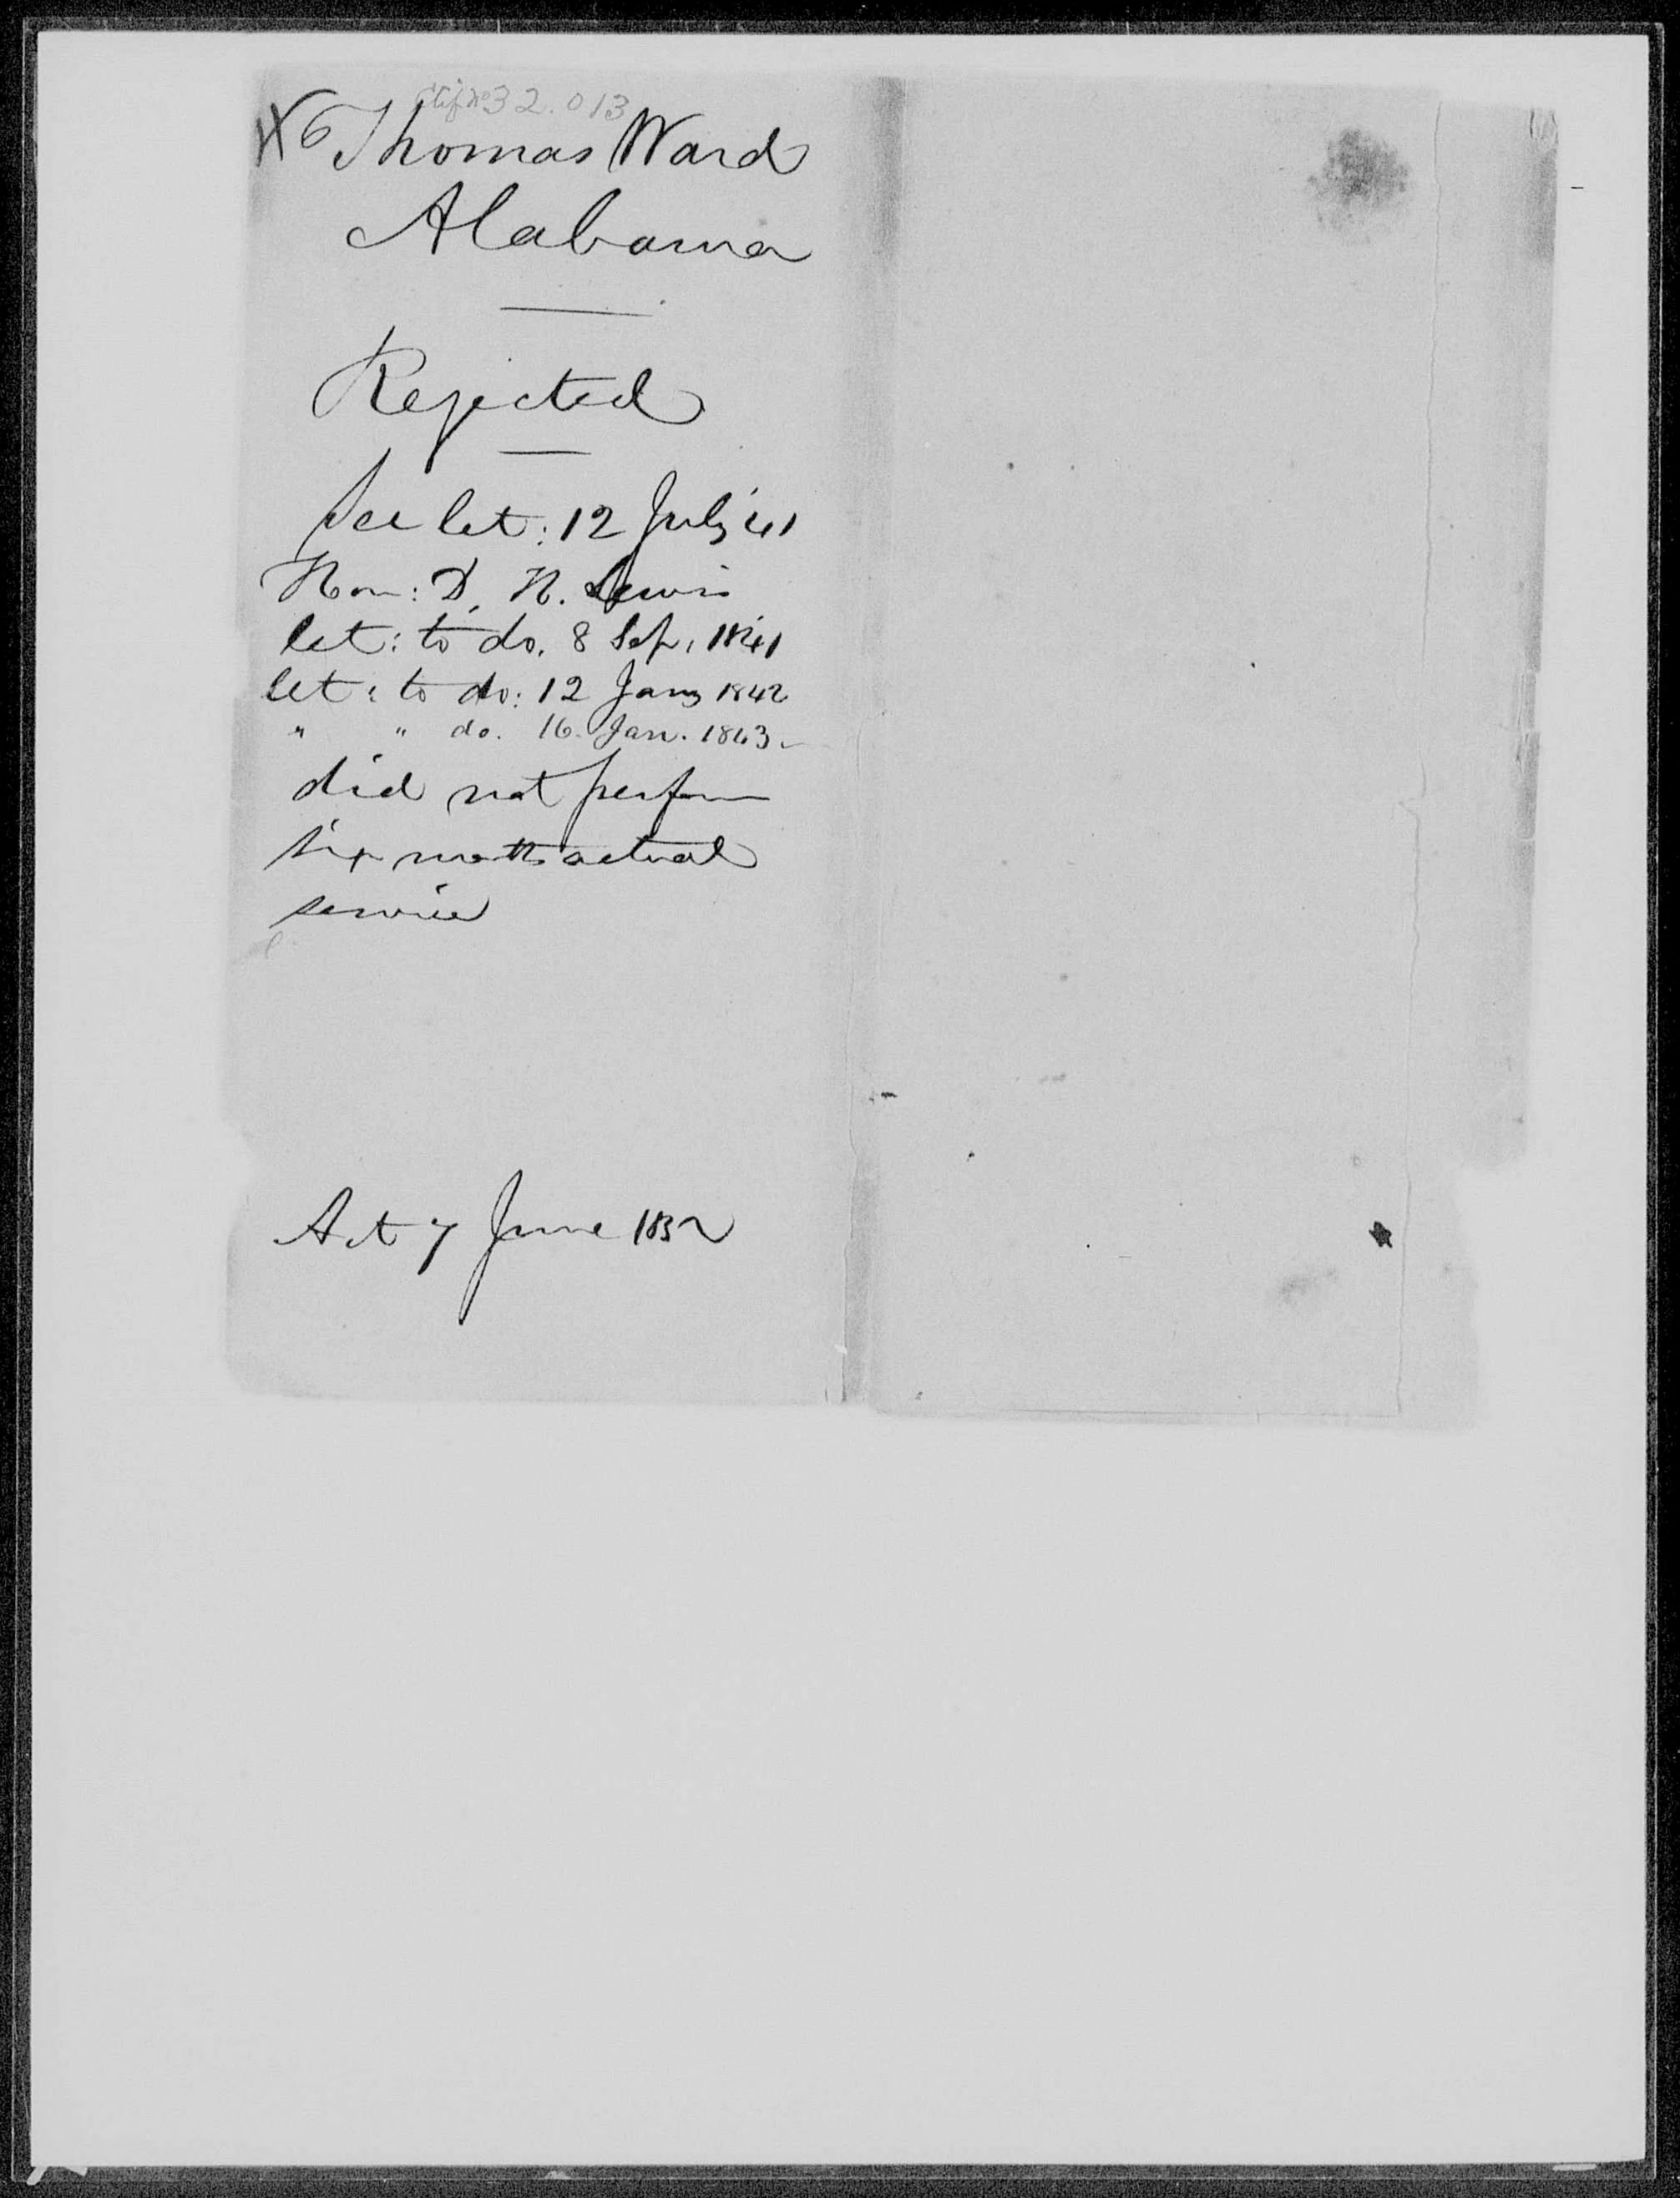Ctif No 32.013
X Thomas Ward
Alabama

Rejected

See let:  12 Jul '41
Hon: D. H. Lewis
let: to do.  8 Sep, 1841
let: to do:  12 Jany  1842
  "    "  do. 16 Jan.  1843
did not perform six months actual service


Act 7 June  1832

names: Thomas Ward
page: 15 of 31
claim: survivor's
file: S. 14802, Thomas Ward, S.C.